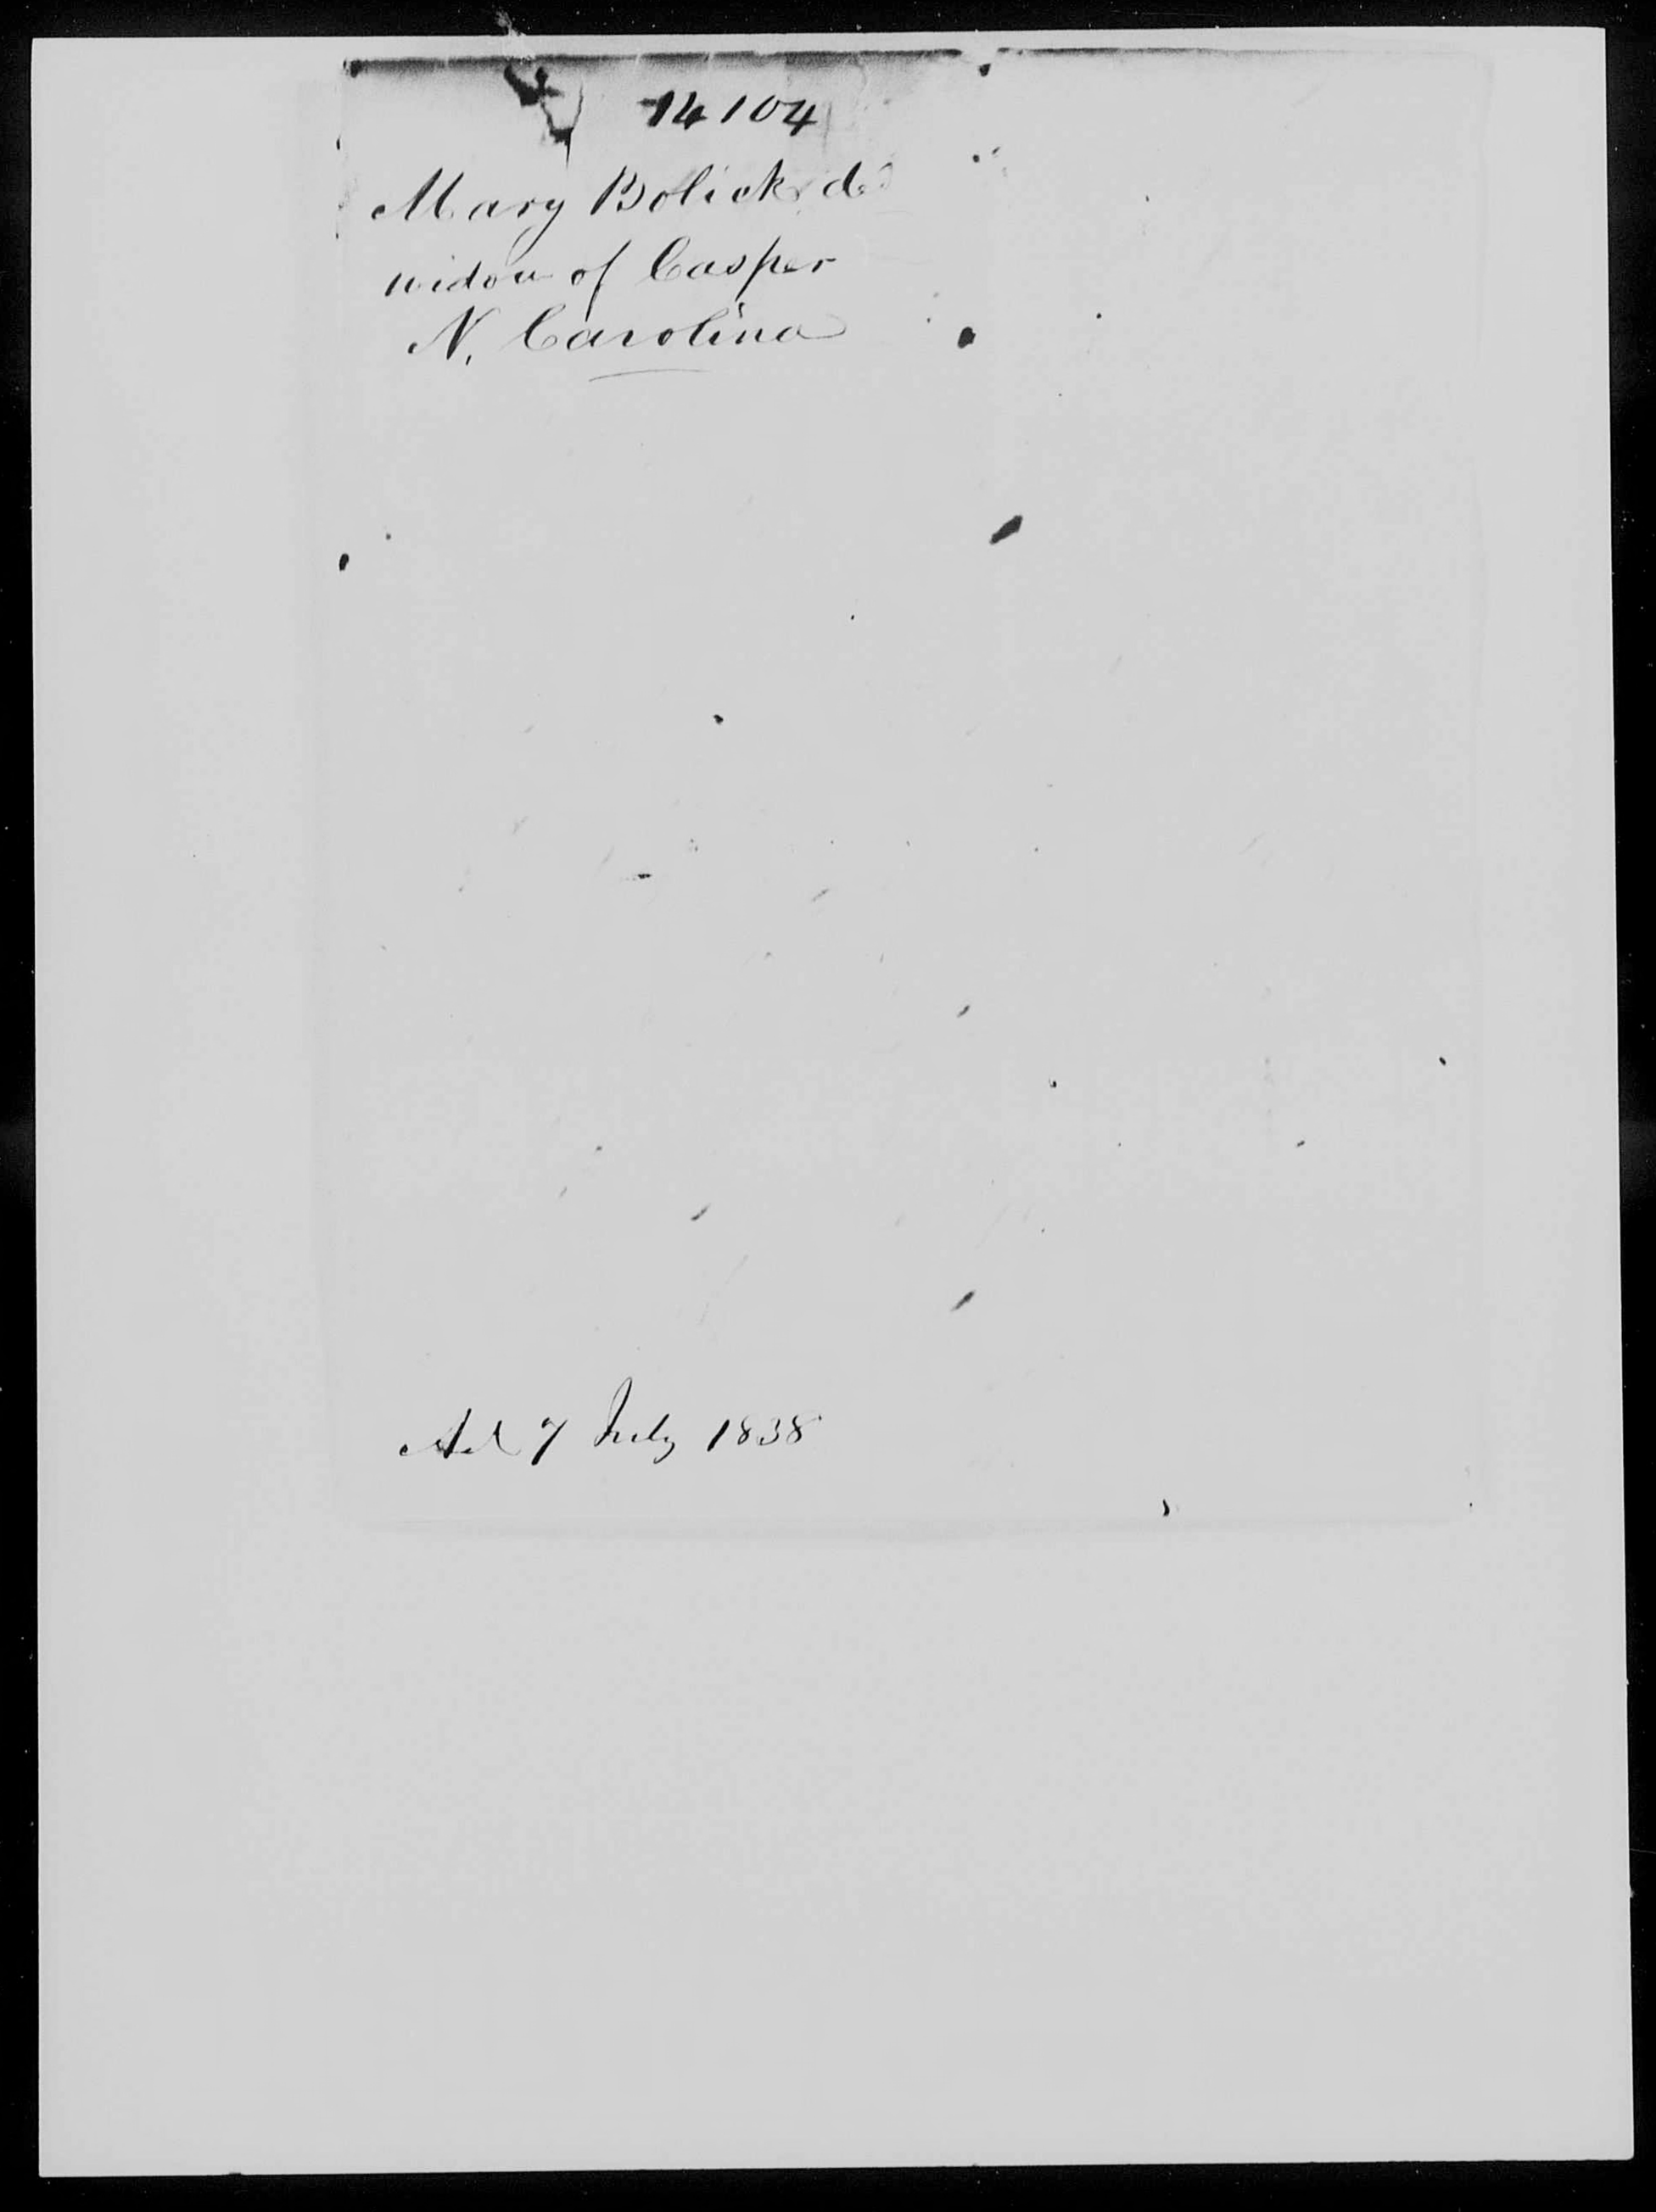14104
Mary Bolick dec'd. widow of Casper N. Carolina

Act 7 July 1838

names: Mary Bolick, Casper Bolick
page: 32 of 43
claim: widow's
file: W. 18,566, Casper Bolick, N.C.